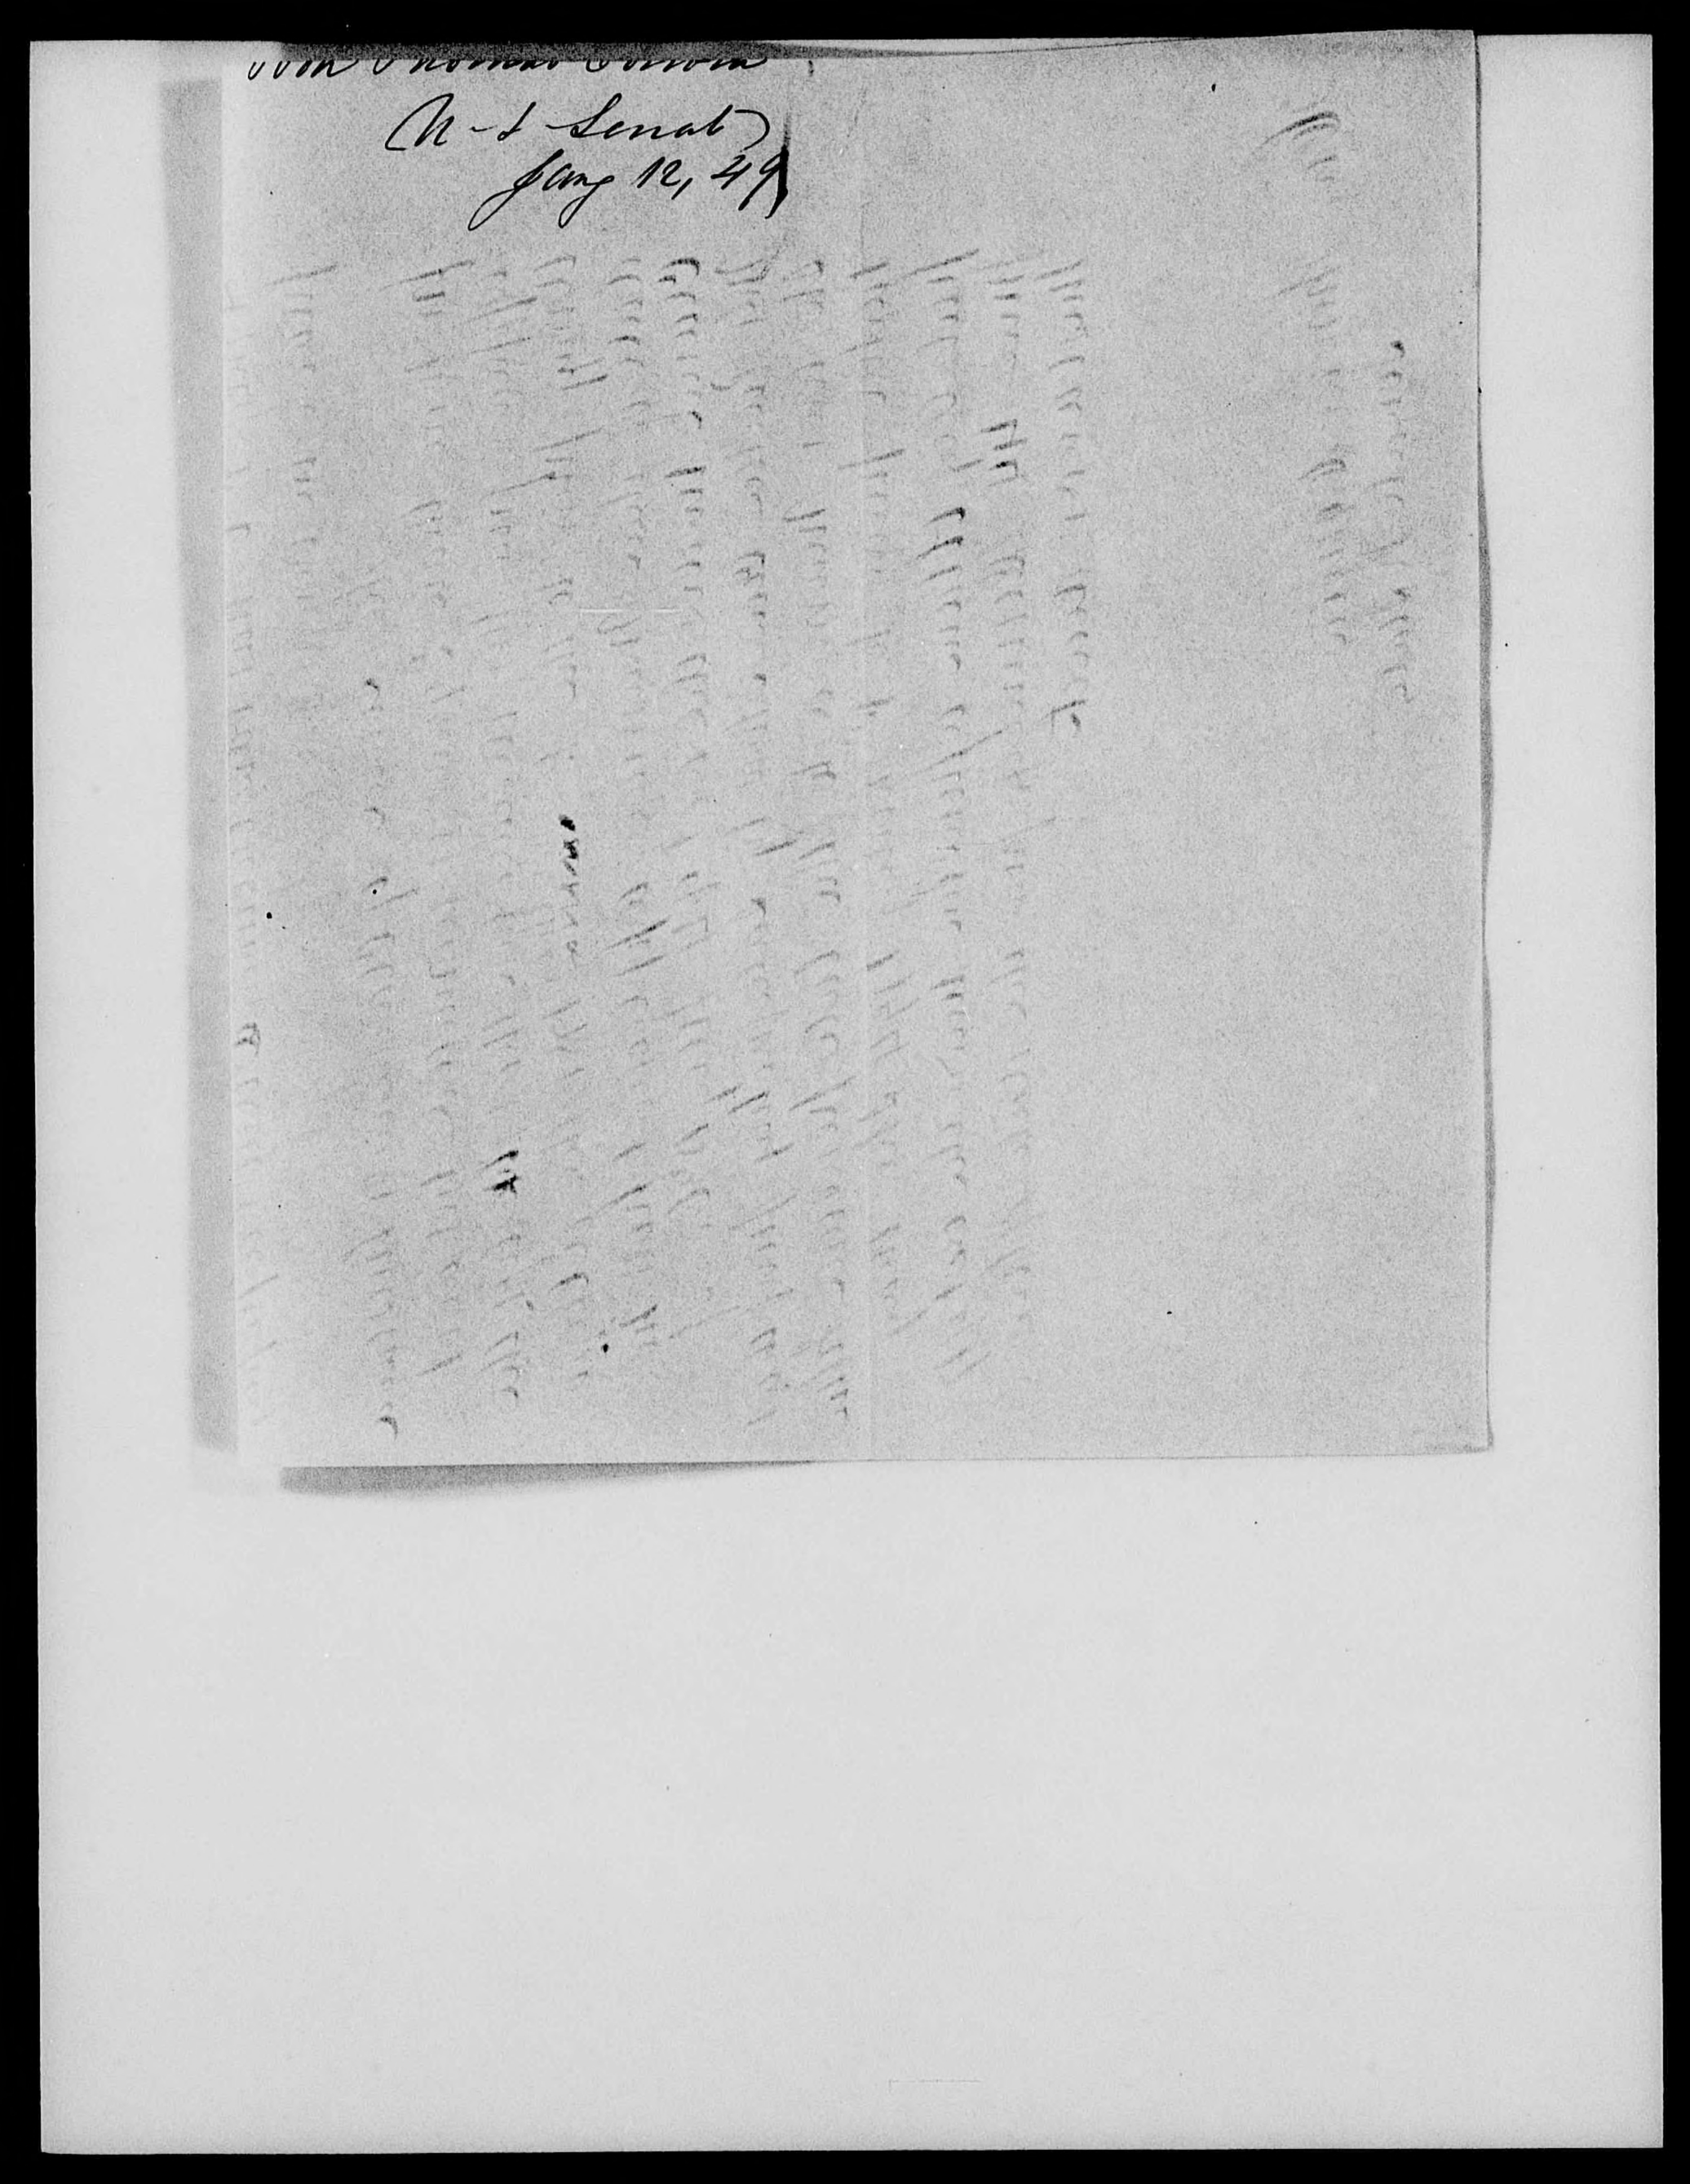[Line at top of the image illegible]
N. J. Senat
Jany 12, 49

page: 30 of 40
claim: widow's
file: W. 3,588, for John Parker, Pennsylvania